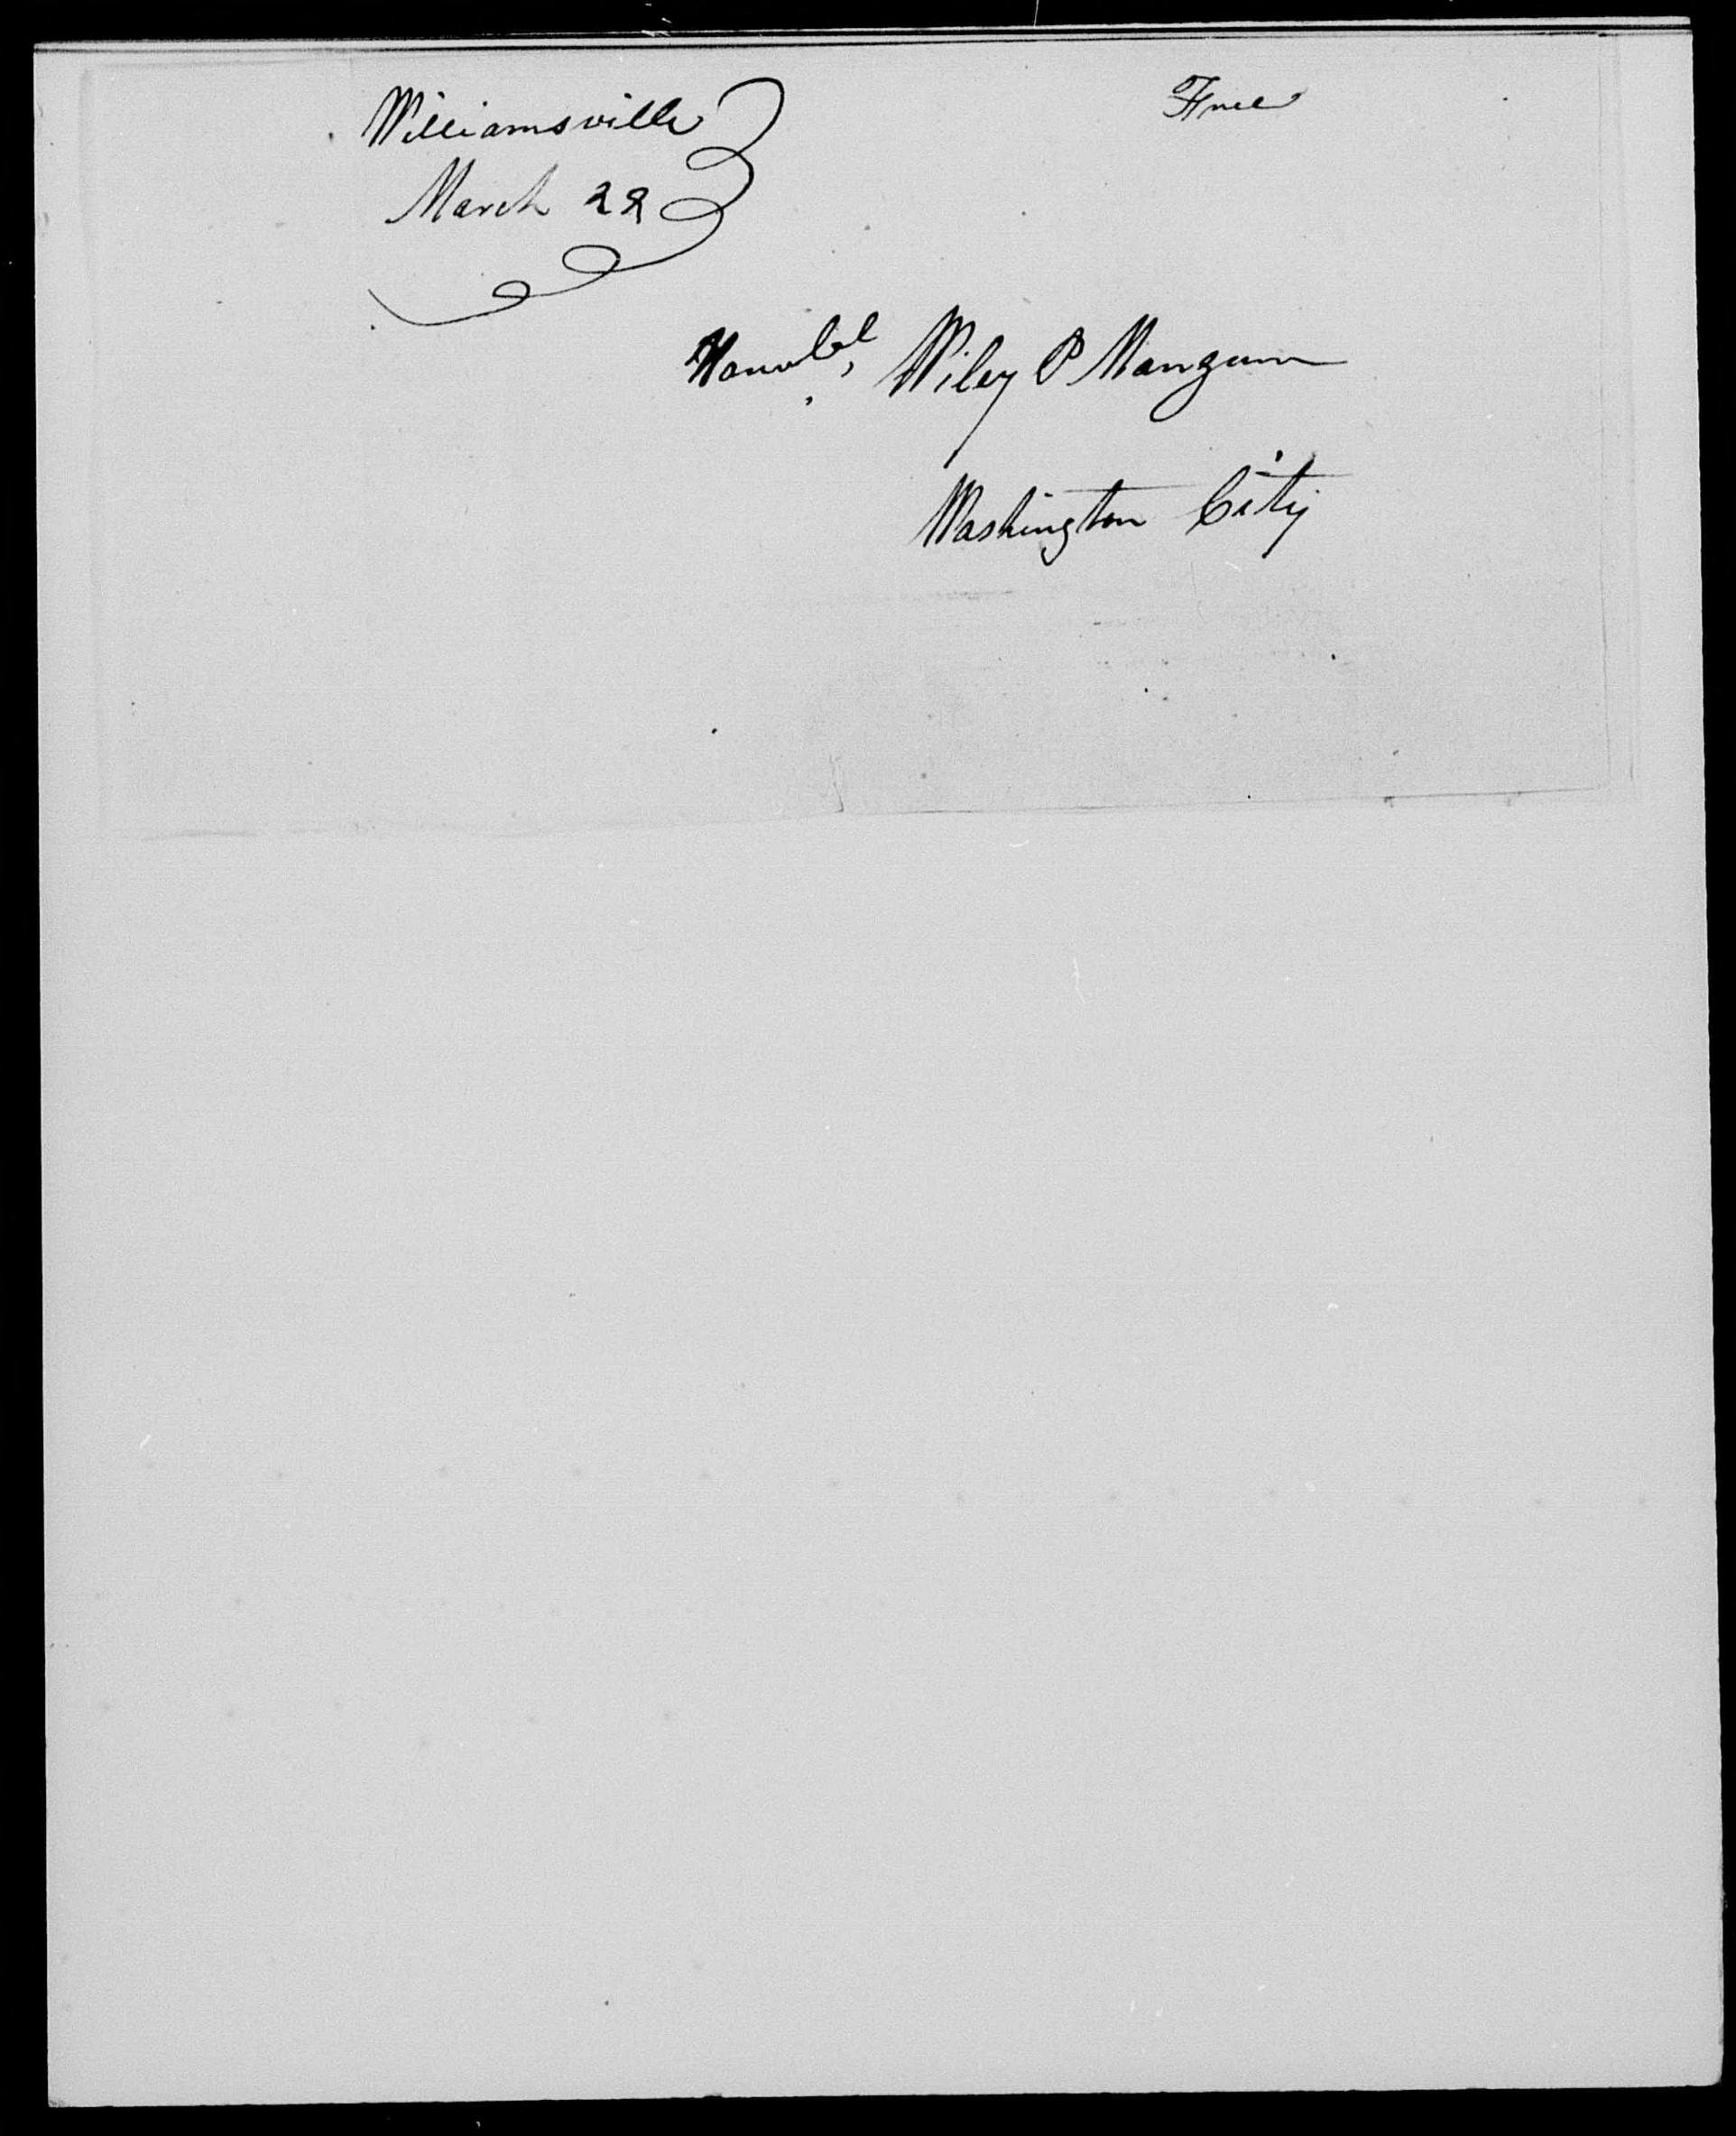Williamsville        }                        Free
March 29            }
Hannibel,  Wiley P. Mangum
Washington City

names: Wiley P Mangum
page: 37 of 49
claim: survivor's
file: S. 41513, George Duncan, N.C.